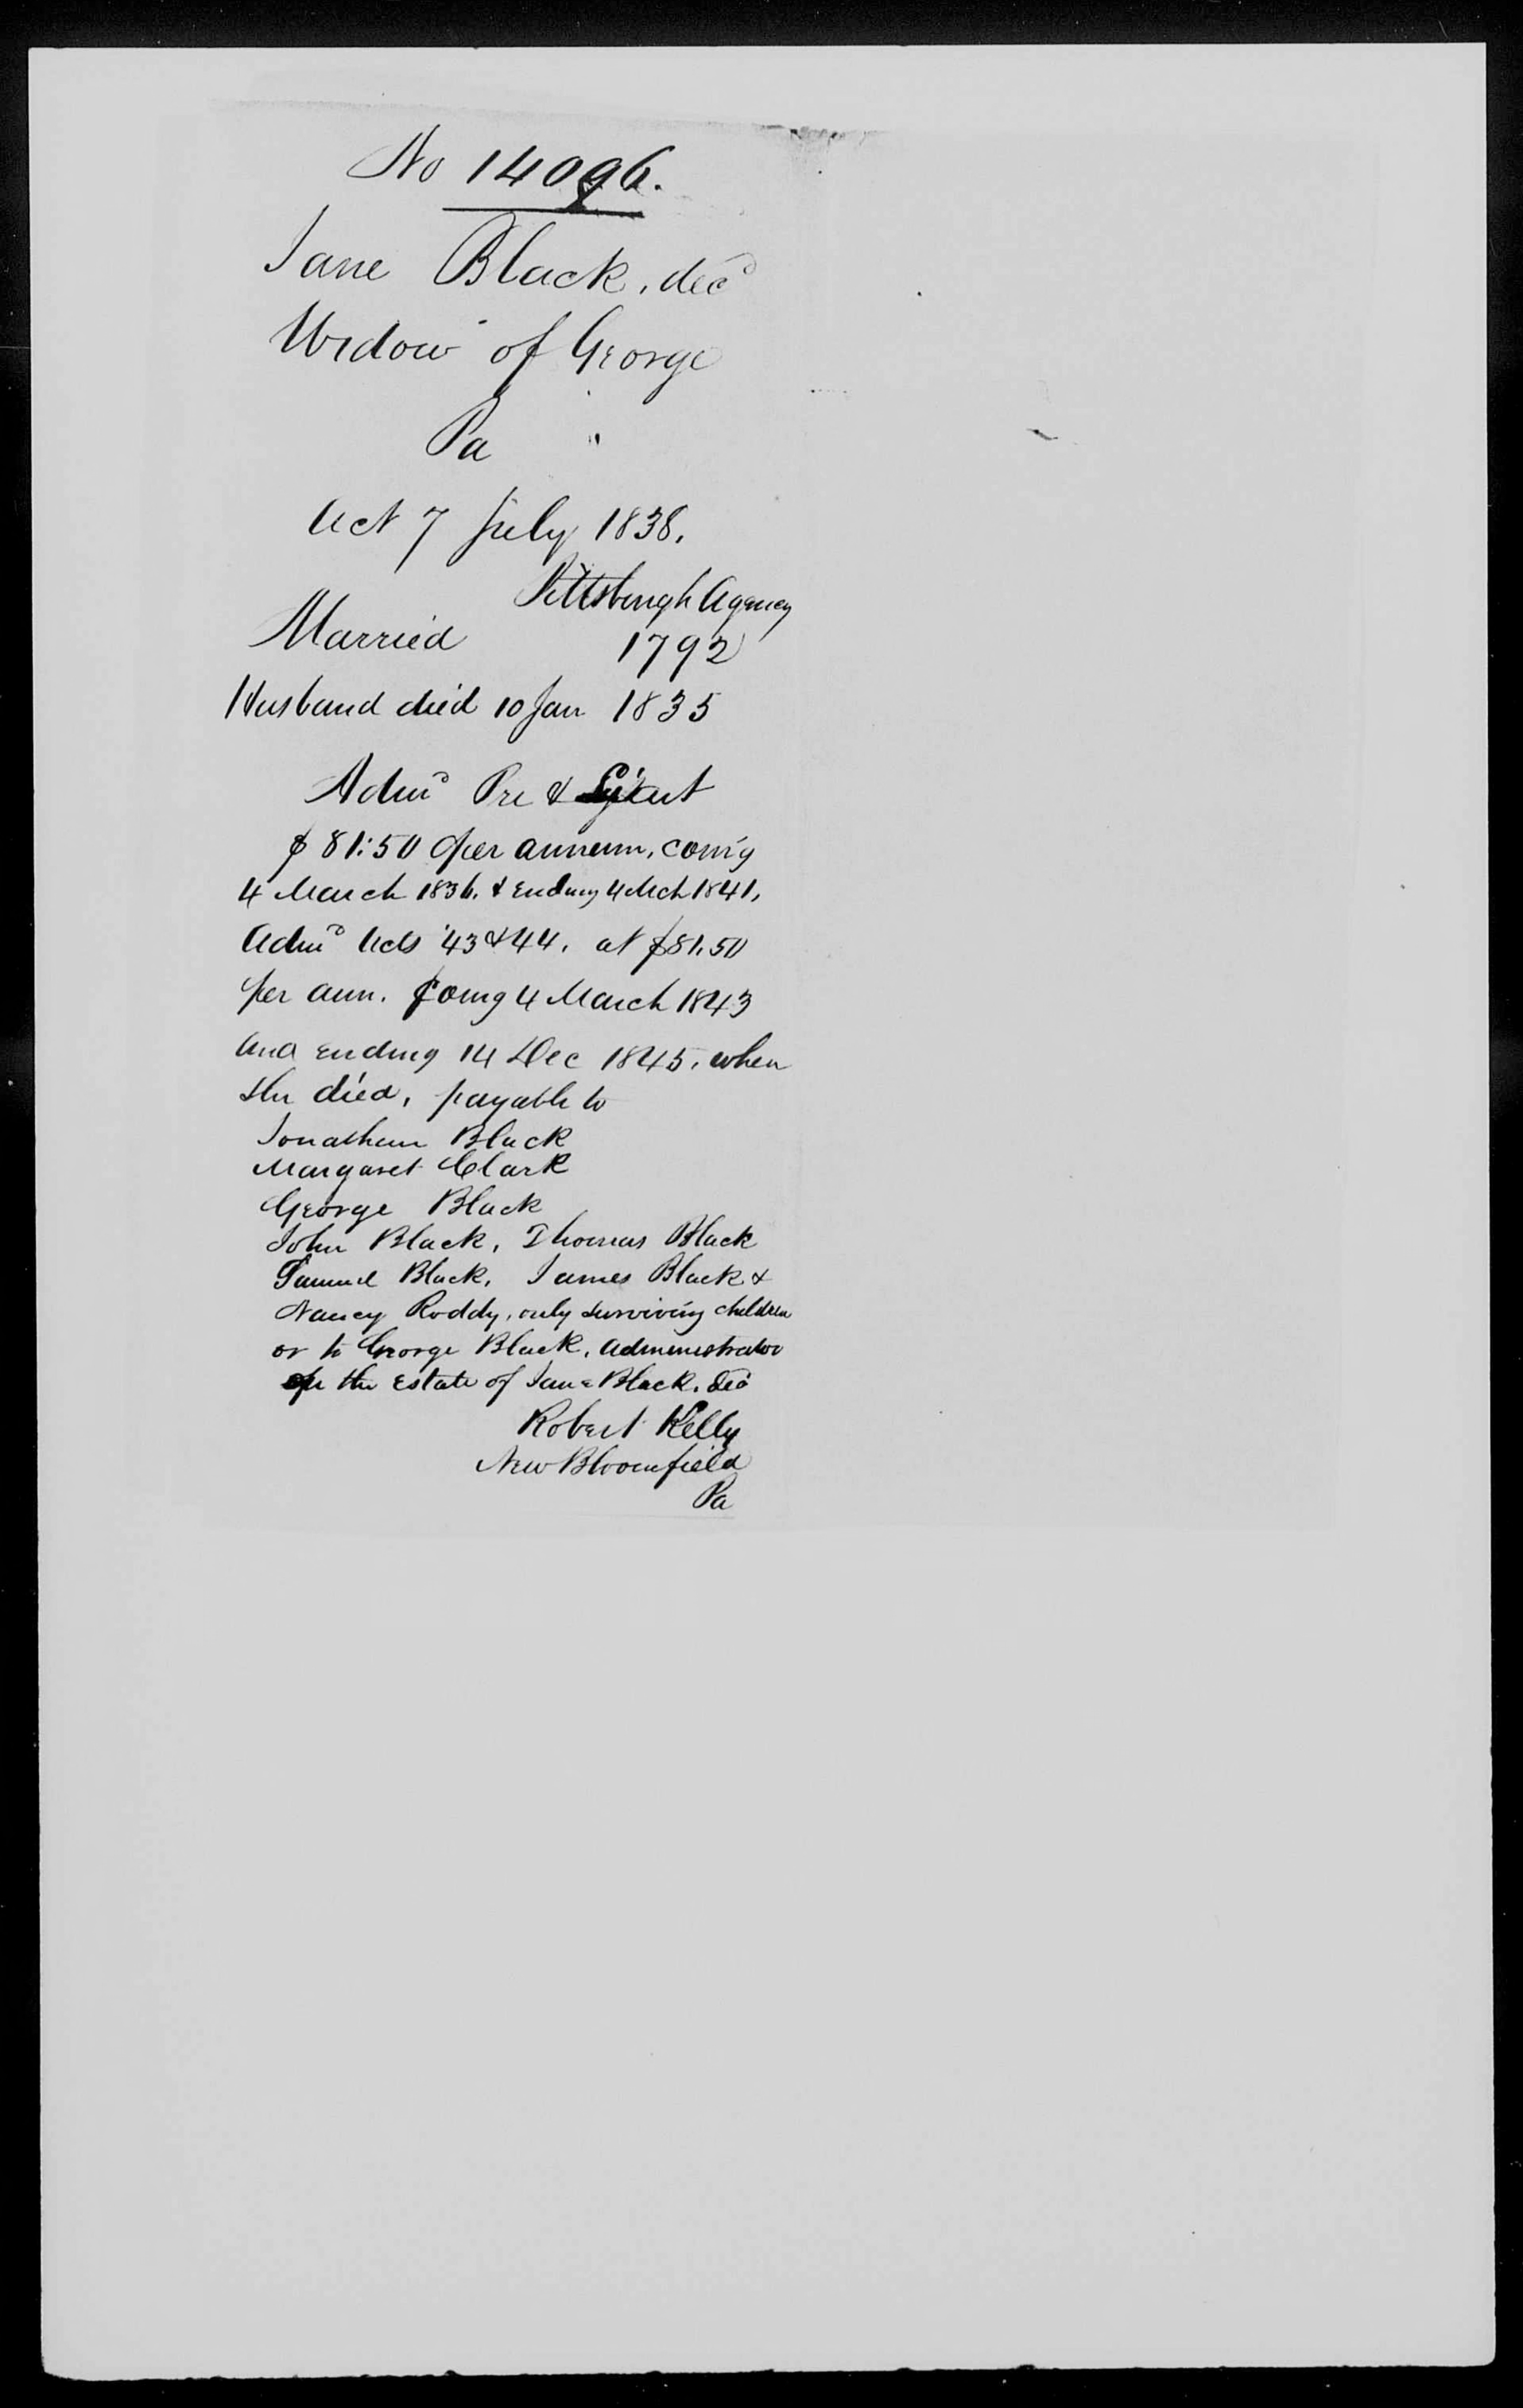No 14096
      ________

Jane Black, decd
Widow of George
Pa
Act 7 July 1838
Pittsburgh Agency
Married 1792
Husband died 10 Jan 1835

Adm Pre & [illegible]
$81.50 [illegible] [illegible] [illegible]
4 March 1836 & ending 4 March 1841, Adm 
[illegible] '43 7 44. at $81.50 per ann. [illegible] 4 March 1843 and ending 14 Dec 1845, when she died. payable to
Jonathan Black
Margaret Clark
George Black
John Black, Thomas Black
Samuel Black, James Black & Nancy Roddy, only surviving children or to George Black Administrator of the Estate of Jane Black dec'd

Robert Kelly
New Bloomfield
Pa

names: Margaret Clark, Nancy Roddy, Jane Black, George Black, George, Jane Black, George Black, Robert Kelly, Samuel Black, John Black, Thomas Black, James Black, Jonathan Black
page: 22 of 30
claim: widow's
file: W. 3211, George Black, Penn.